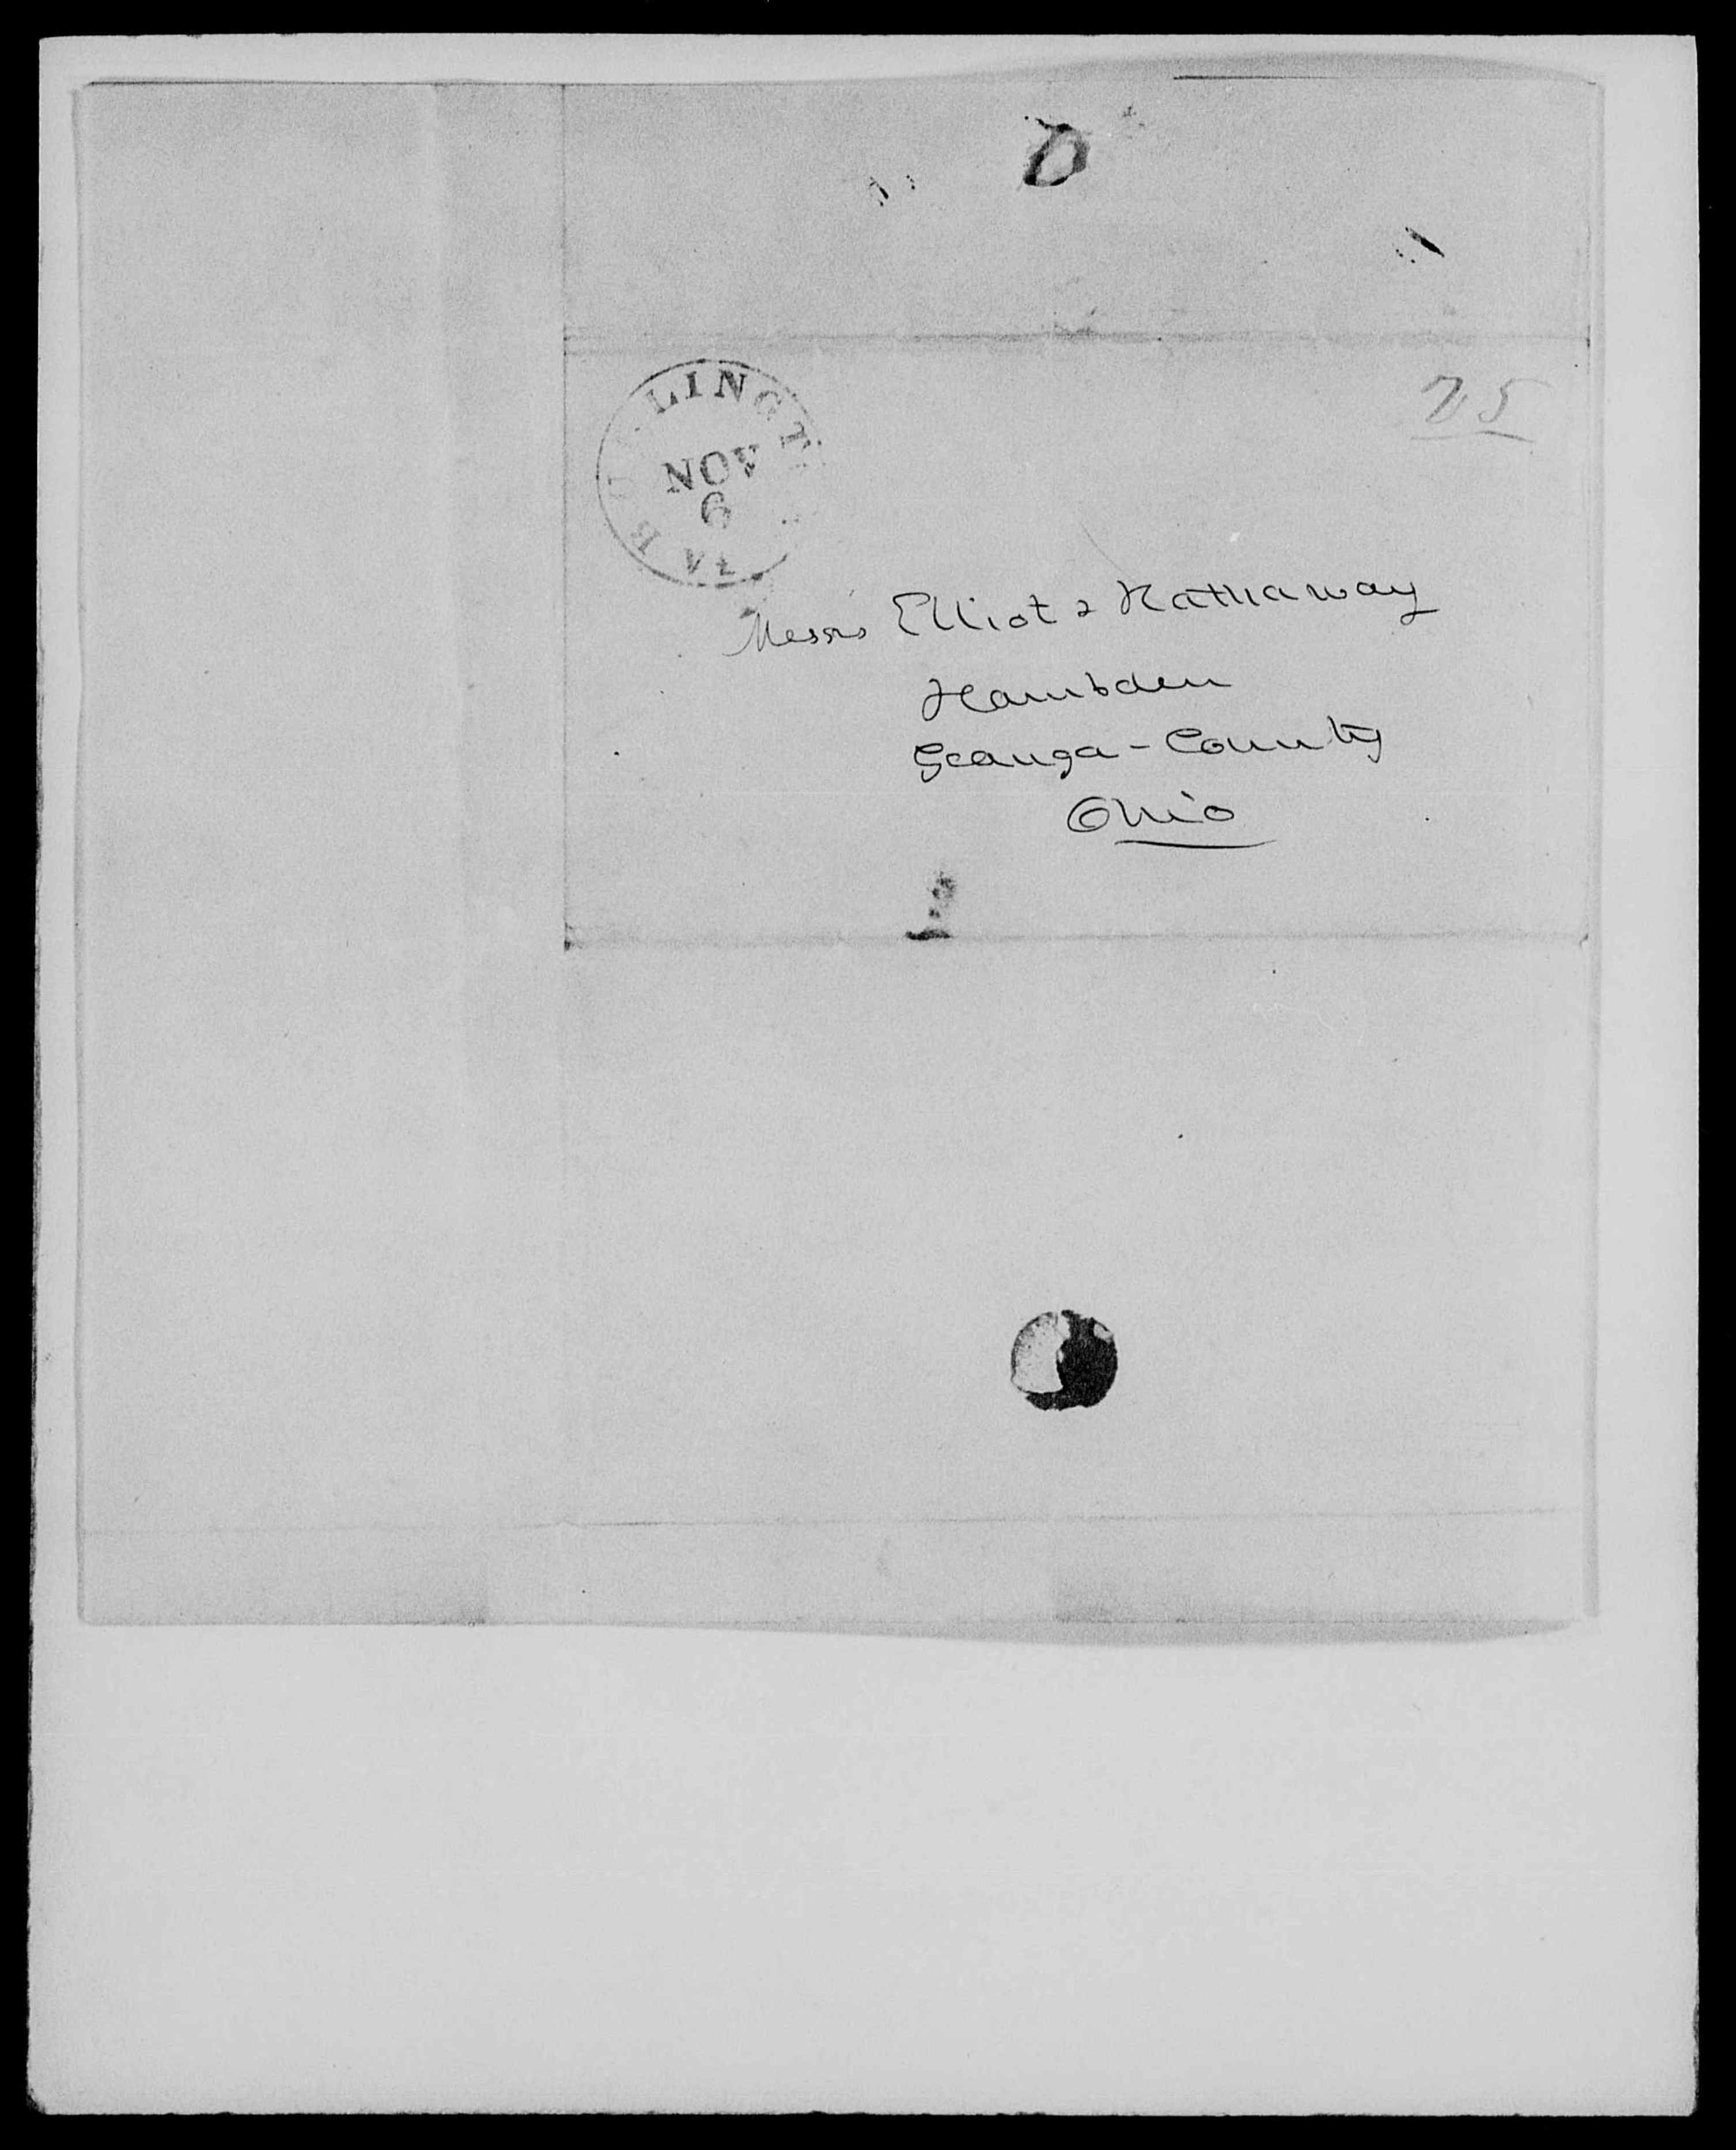Stamped:
BURLINGTON VT
NOV 
6

25

Messrs Elliot & Hathaway
Hambden
Geauga-County
Ohio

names: Elliot, Hathaway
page: 85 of 144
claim: rejected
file: R. 5208, Dennis Hopkins, N.C.